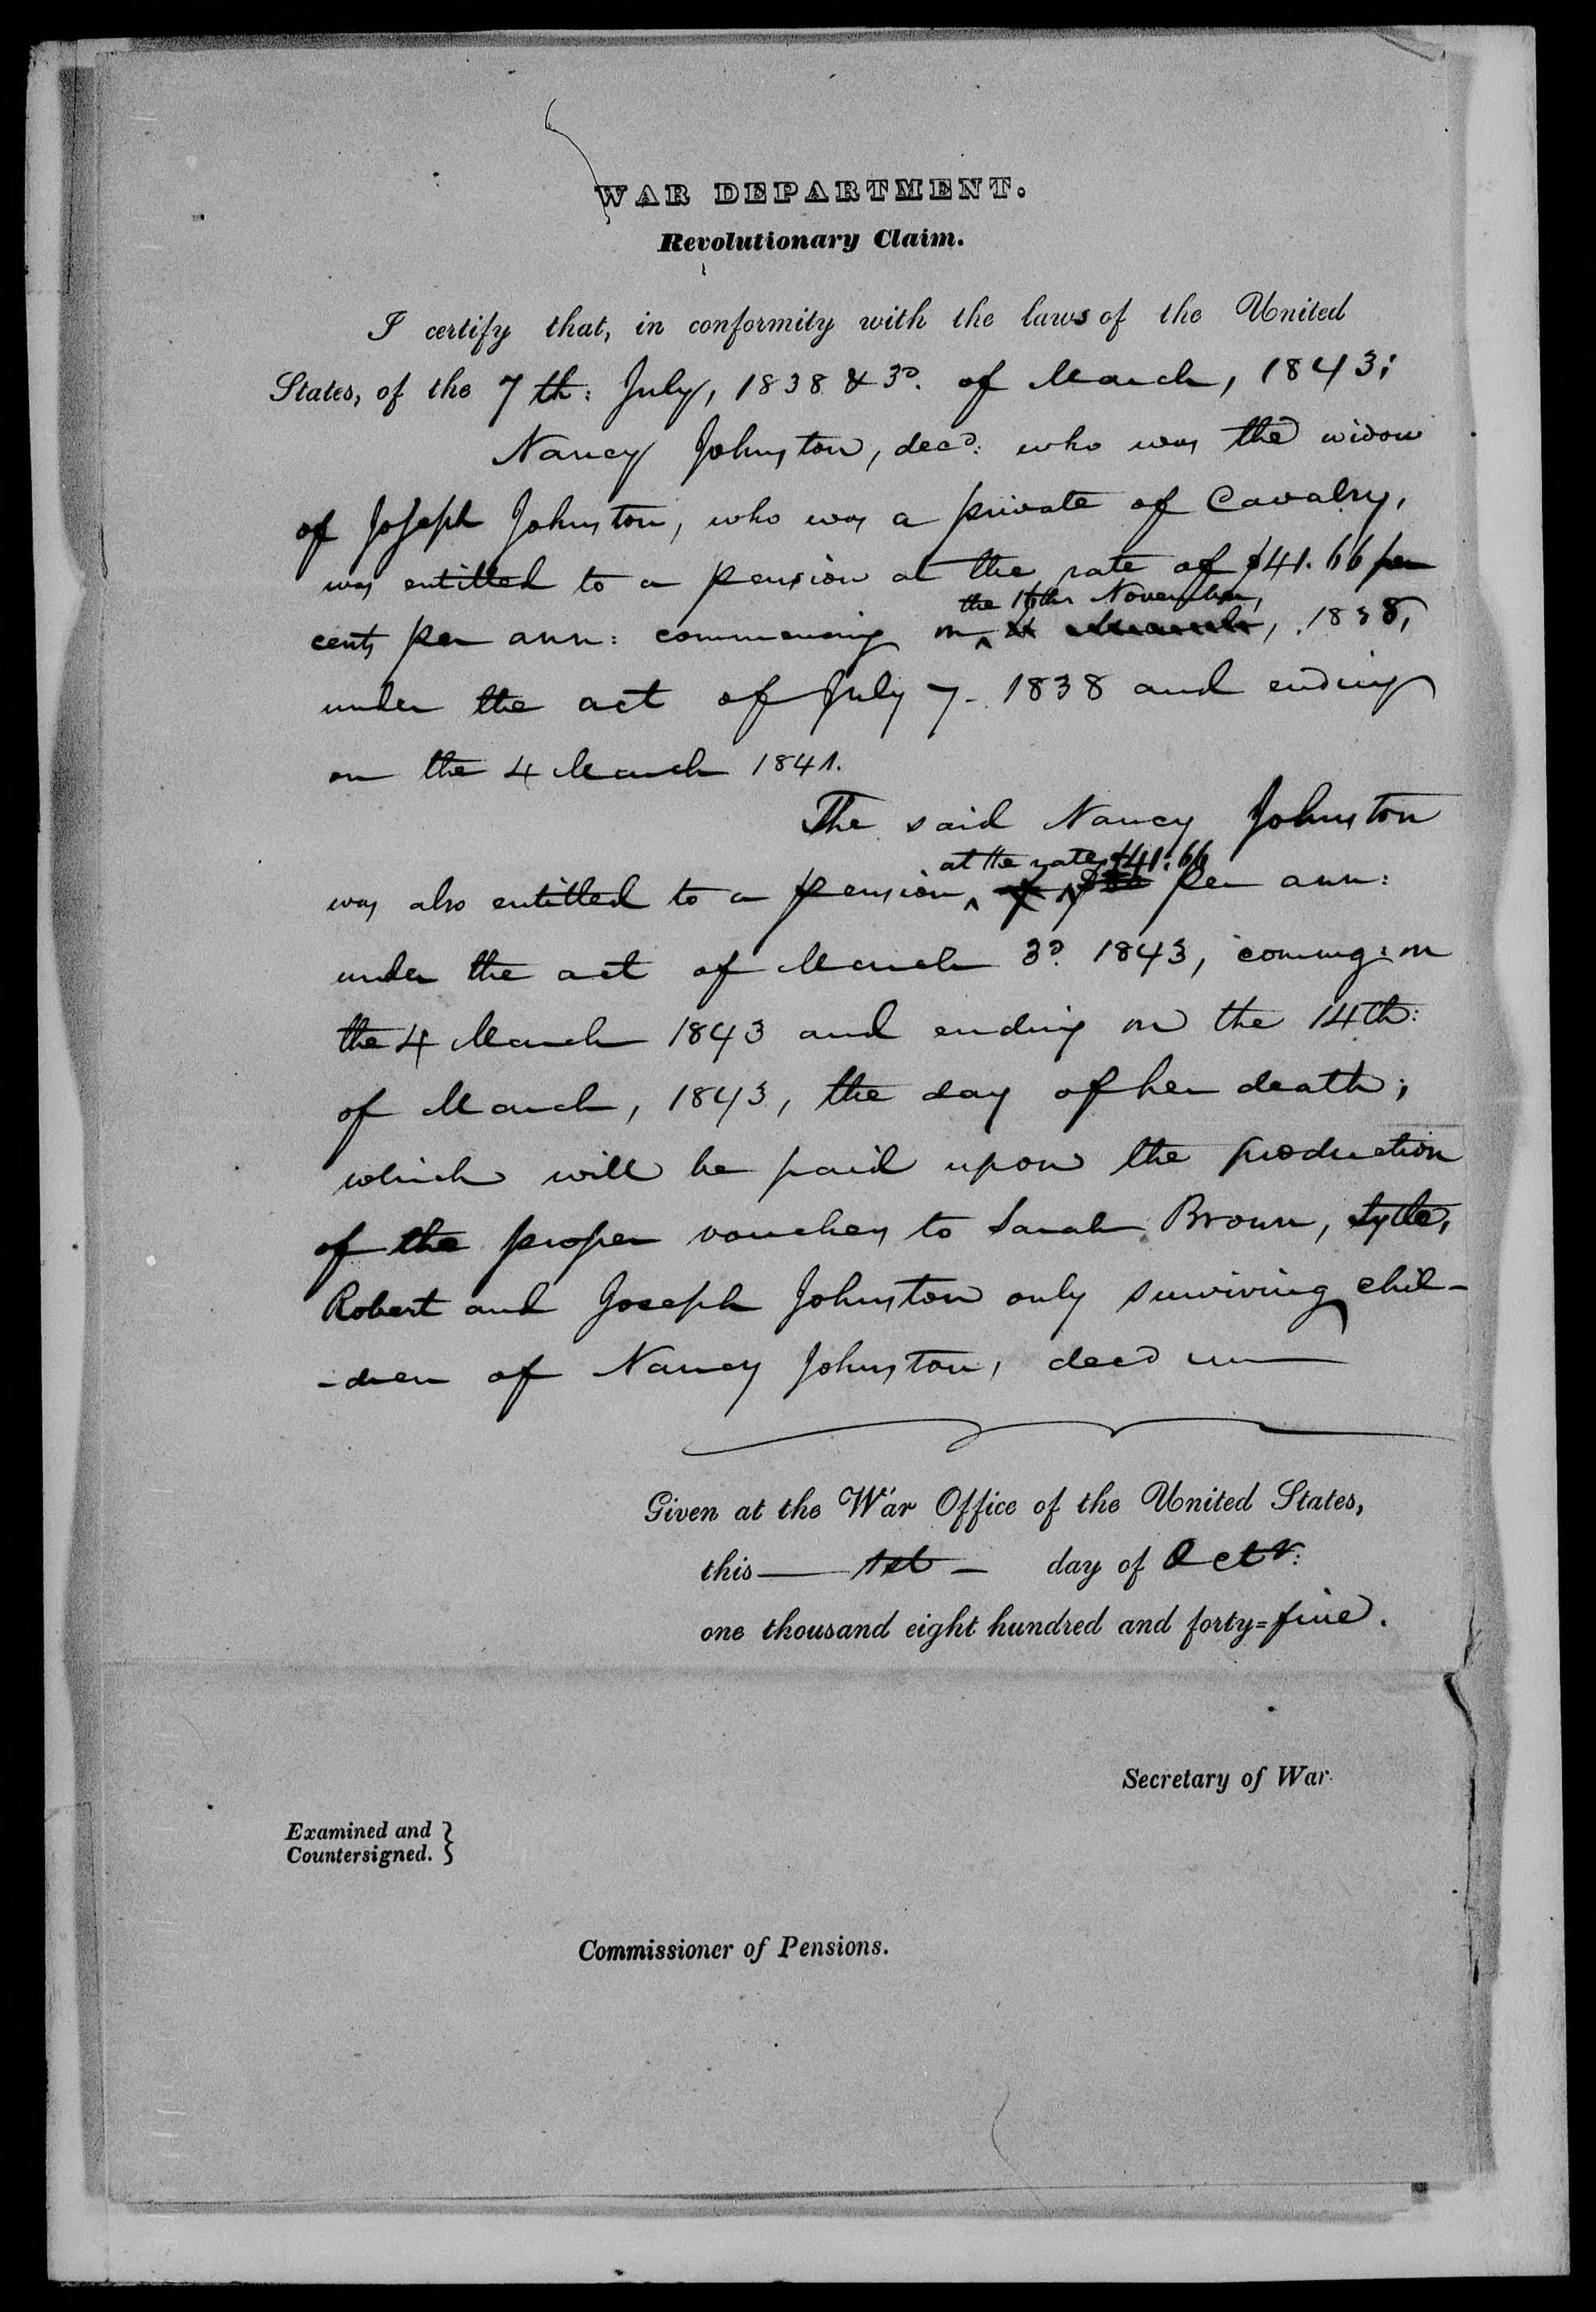[typed form, with handwritten responses]

WAR DEPARTMENT. 

Revolutionary Claim. 

I certify that in conformity with the laws of the United States, of the 7th July, 1838 & 3d of March, 1843: 
Nancy Johnston, decd [deceased] who was the widow of Joseph Johnston, who was a private of Cavalry, was entitled to a pension at the rate of $41.66 cents, per ann. commencing on the 16th November, 1838, under the act of July 7. 1838 and ending on the 4 March 1841. 
The said Nancy Johnston was also entitled to a pension at the rate of $41.66 per ann. under the act of March 3d 1843, commencing on the 4 March 1843 and ending on the 14th of March, 1843, the day of her death; which will be paid upon the production of the proper voucher to Sarah Brown, Lytle, Robert and Joseph Johnston only surviving children of Nancy Johnston, decd [deceased] 

Given at the War Office of the United States, this ---- day of Oct one thousand eight hundred and forty-five.

Secretary of War.

Examined and}
Countersigned.}

Commissioner of Pensions.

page: 21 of 41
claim: widow's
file: W. 5033, for Joseph Johnston, North Carolina